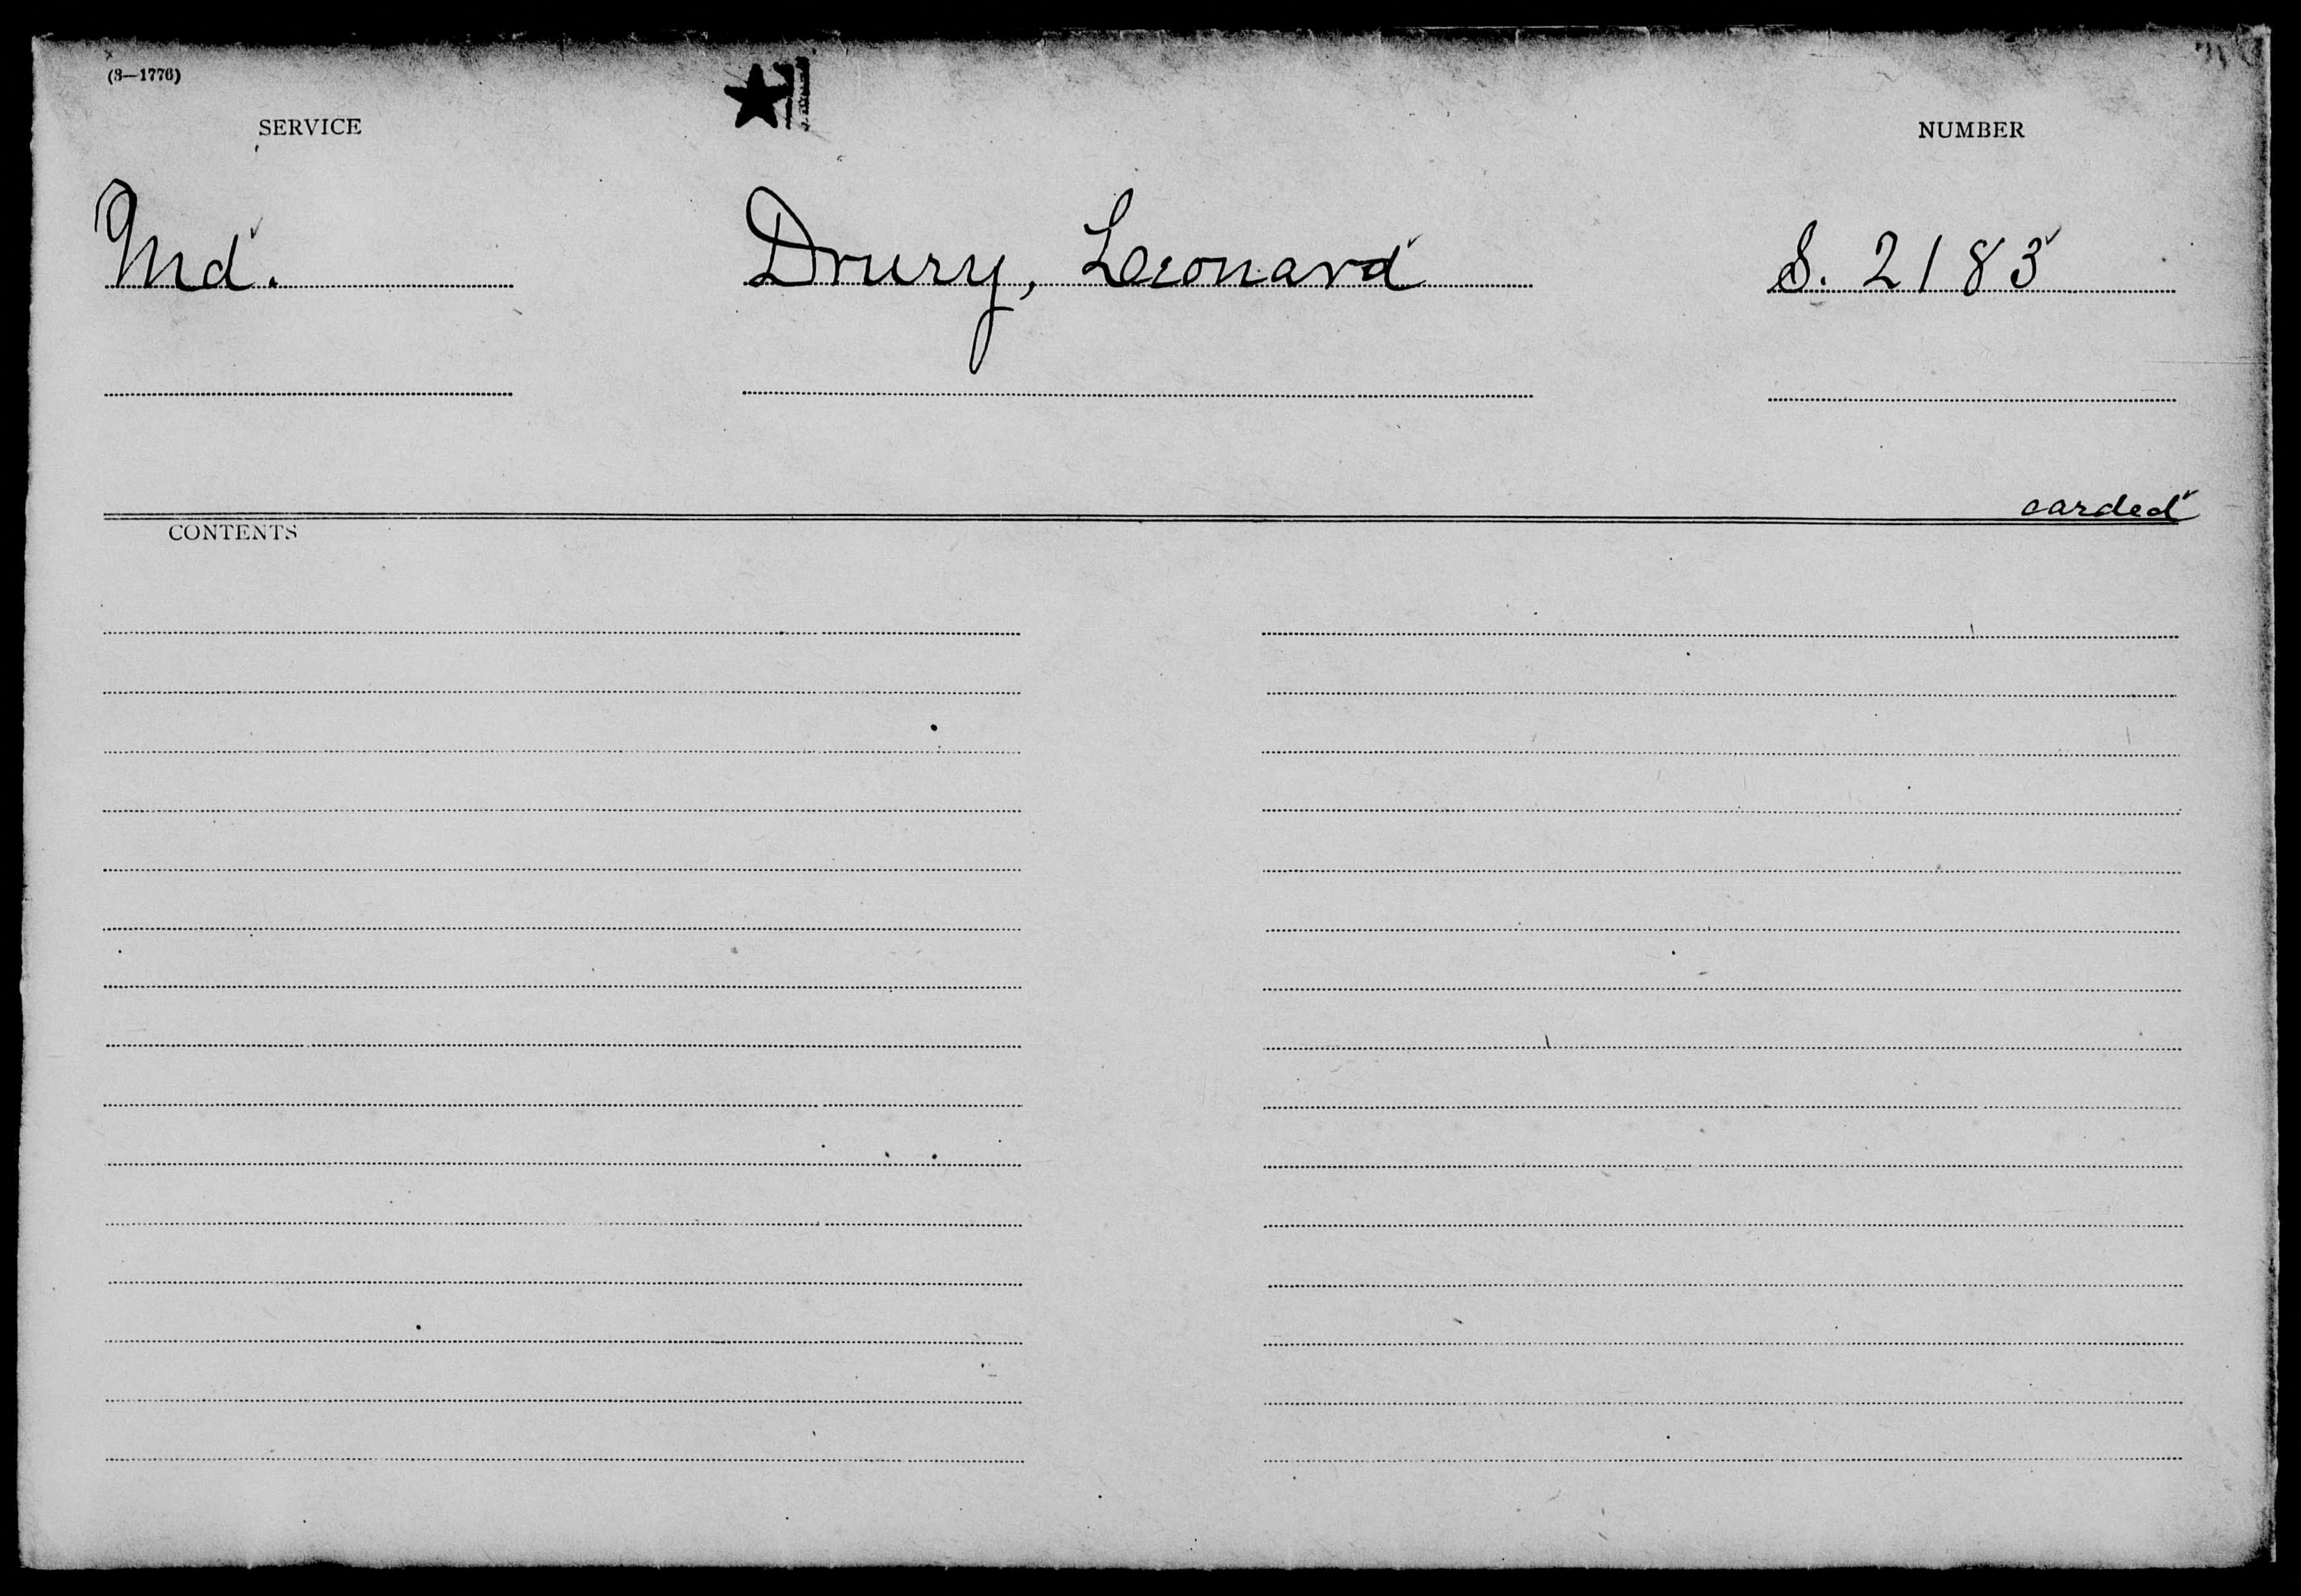Service
MD

Name
Drury, Leonard

Number
S.2183

carded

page: 1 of 9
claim: survivor's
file: S. 2183, Leonard Drury, Md.